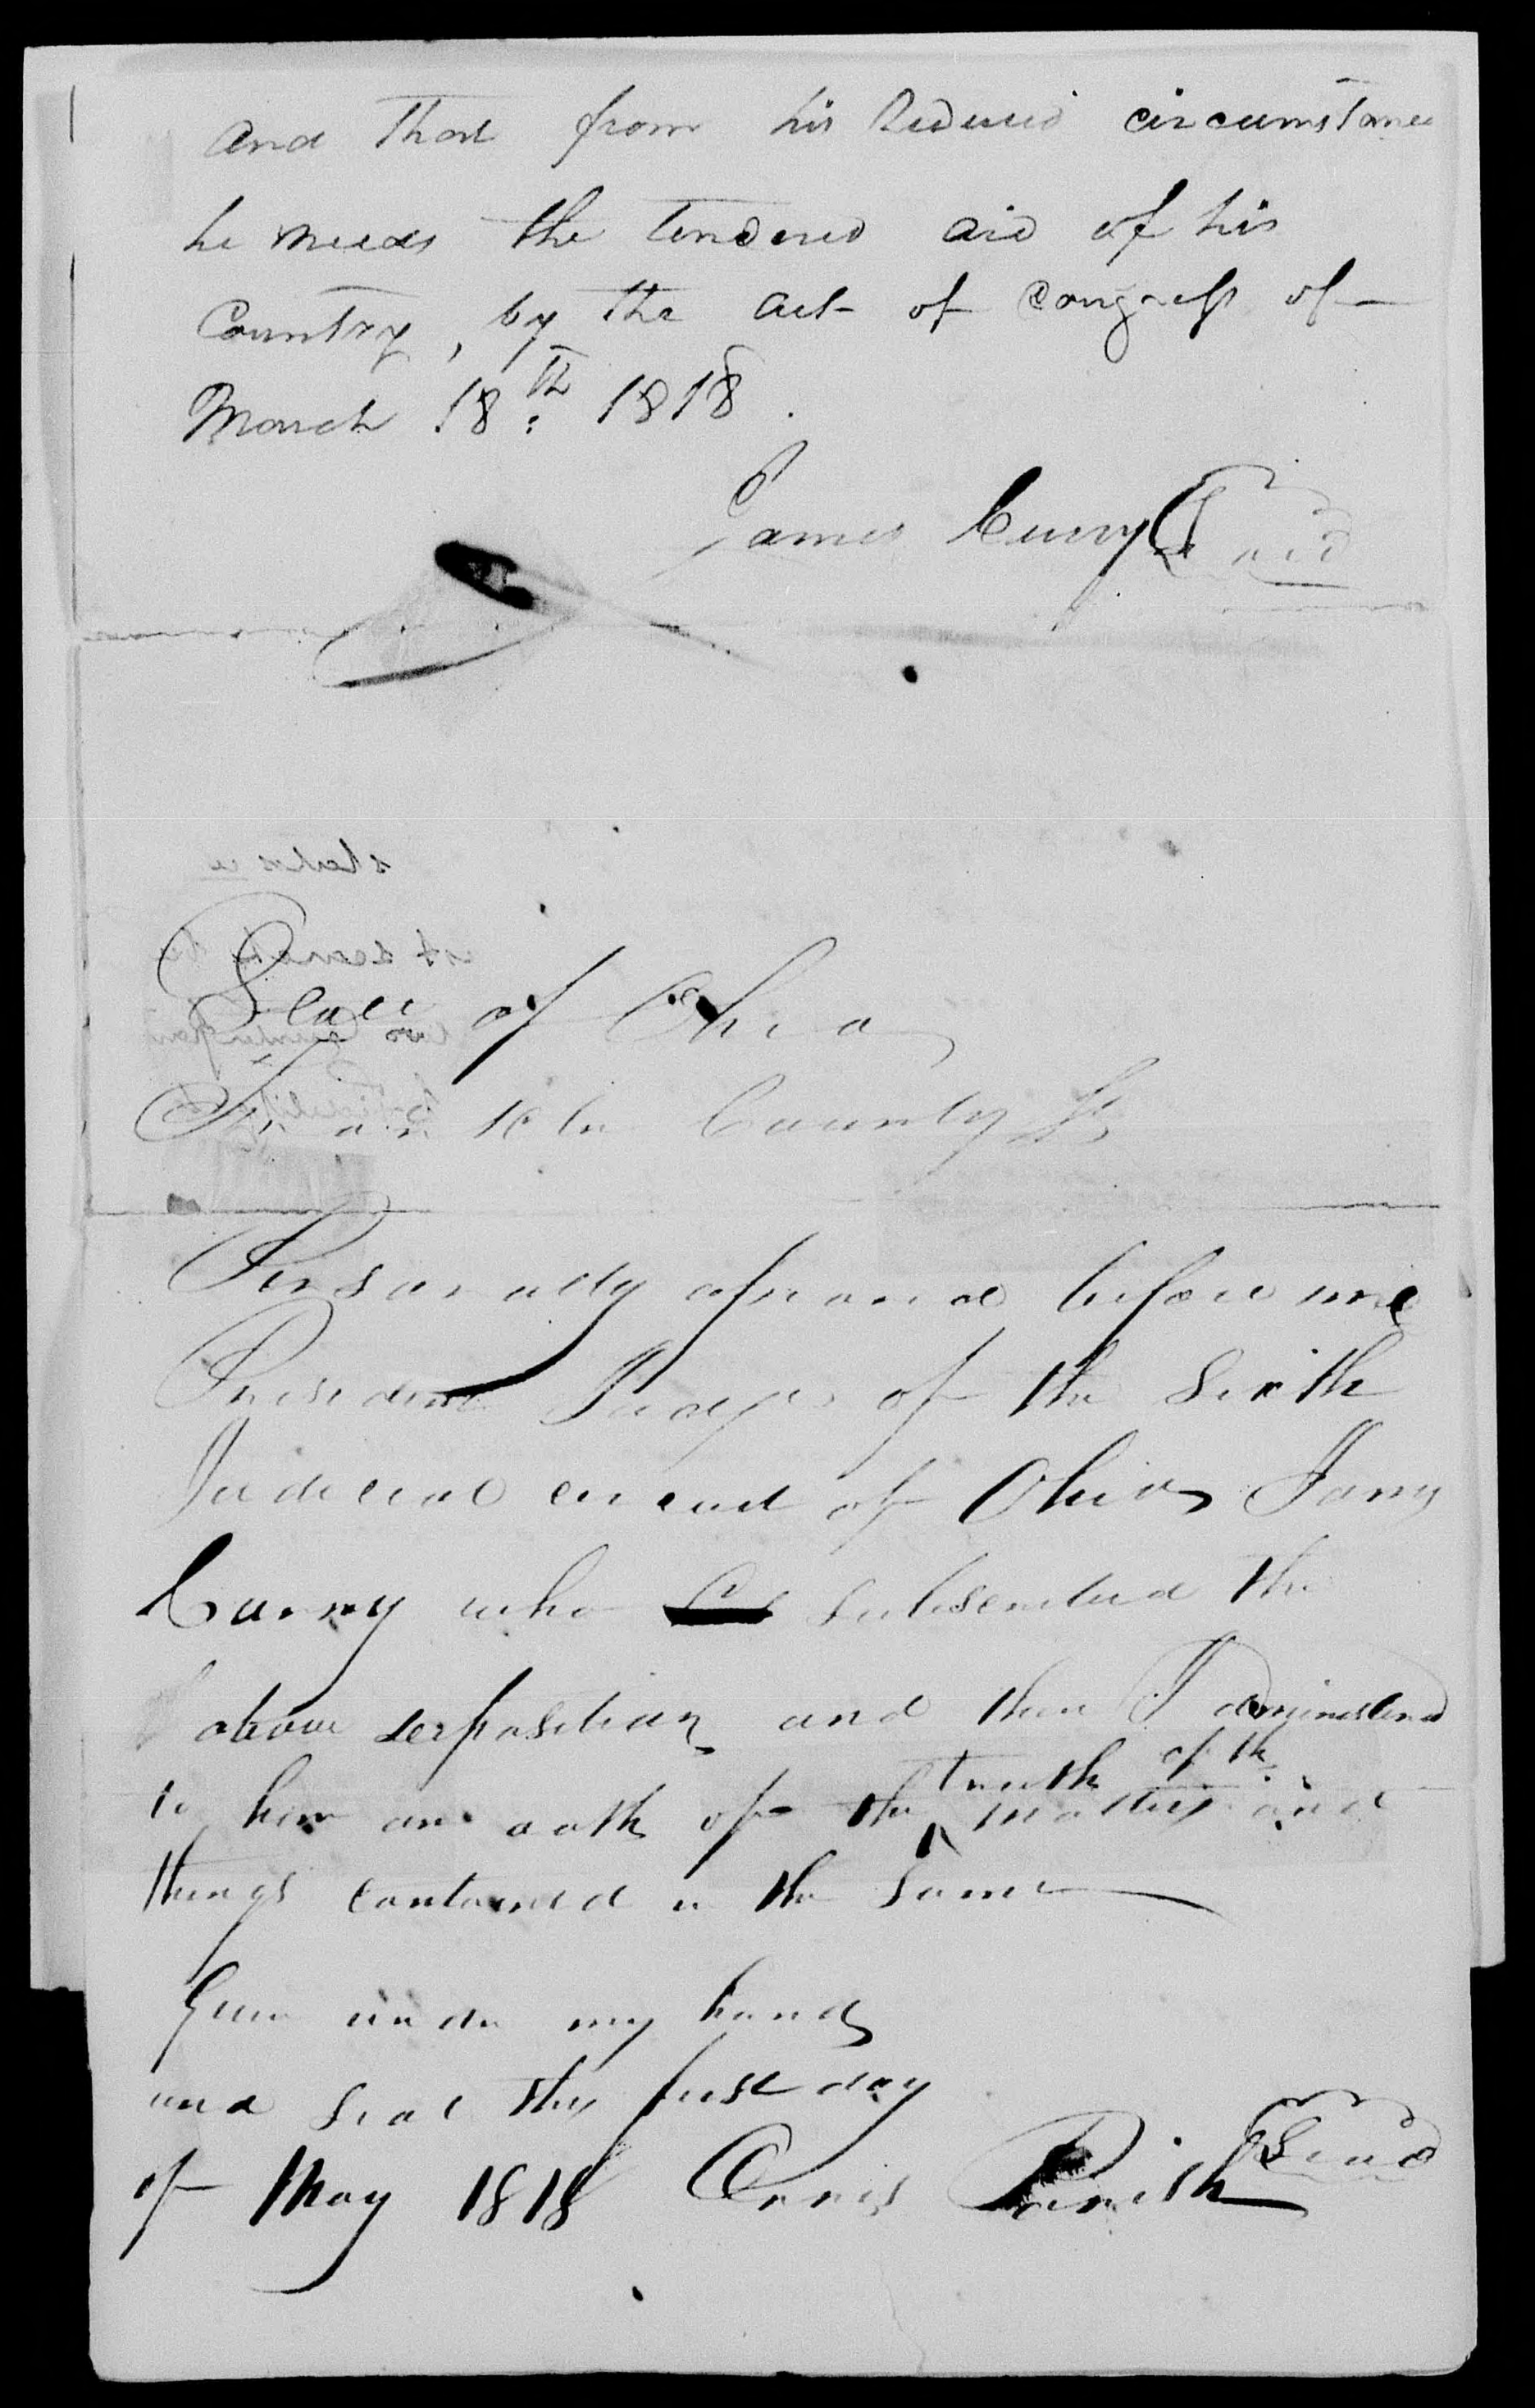Seal of Ohio
Franklin County

Personally appeared before me
President Judge of the Sixth
Judicial court of Ohio, James Curry who subscribed the 
above deposition and then I ministered 
to him an oath of the truth of the [illegible] and things contained in the same

Given in my hand
and seal this first day 
of May 1818 Orris Parish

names: James Curry, James Curry, Orris Parish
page: 6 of 32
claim: survivor's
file: S. 44230, James Curry, Va.